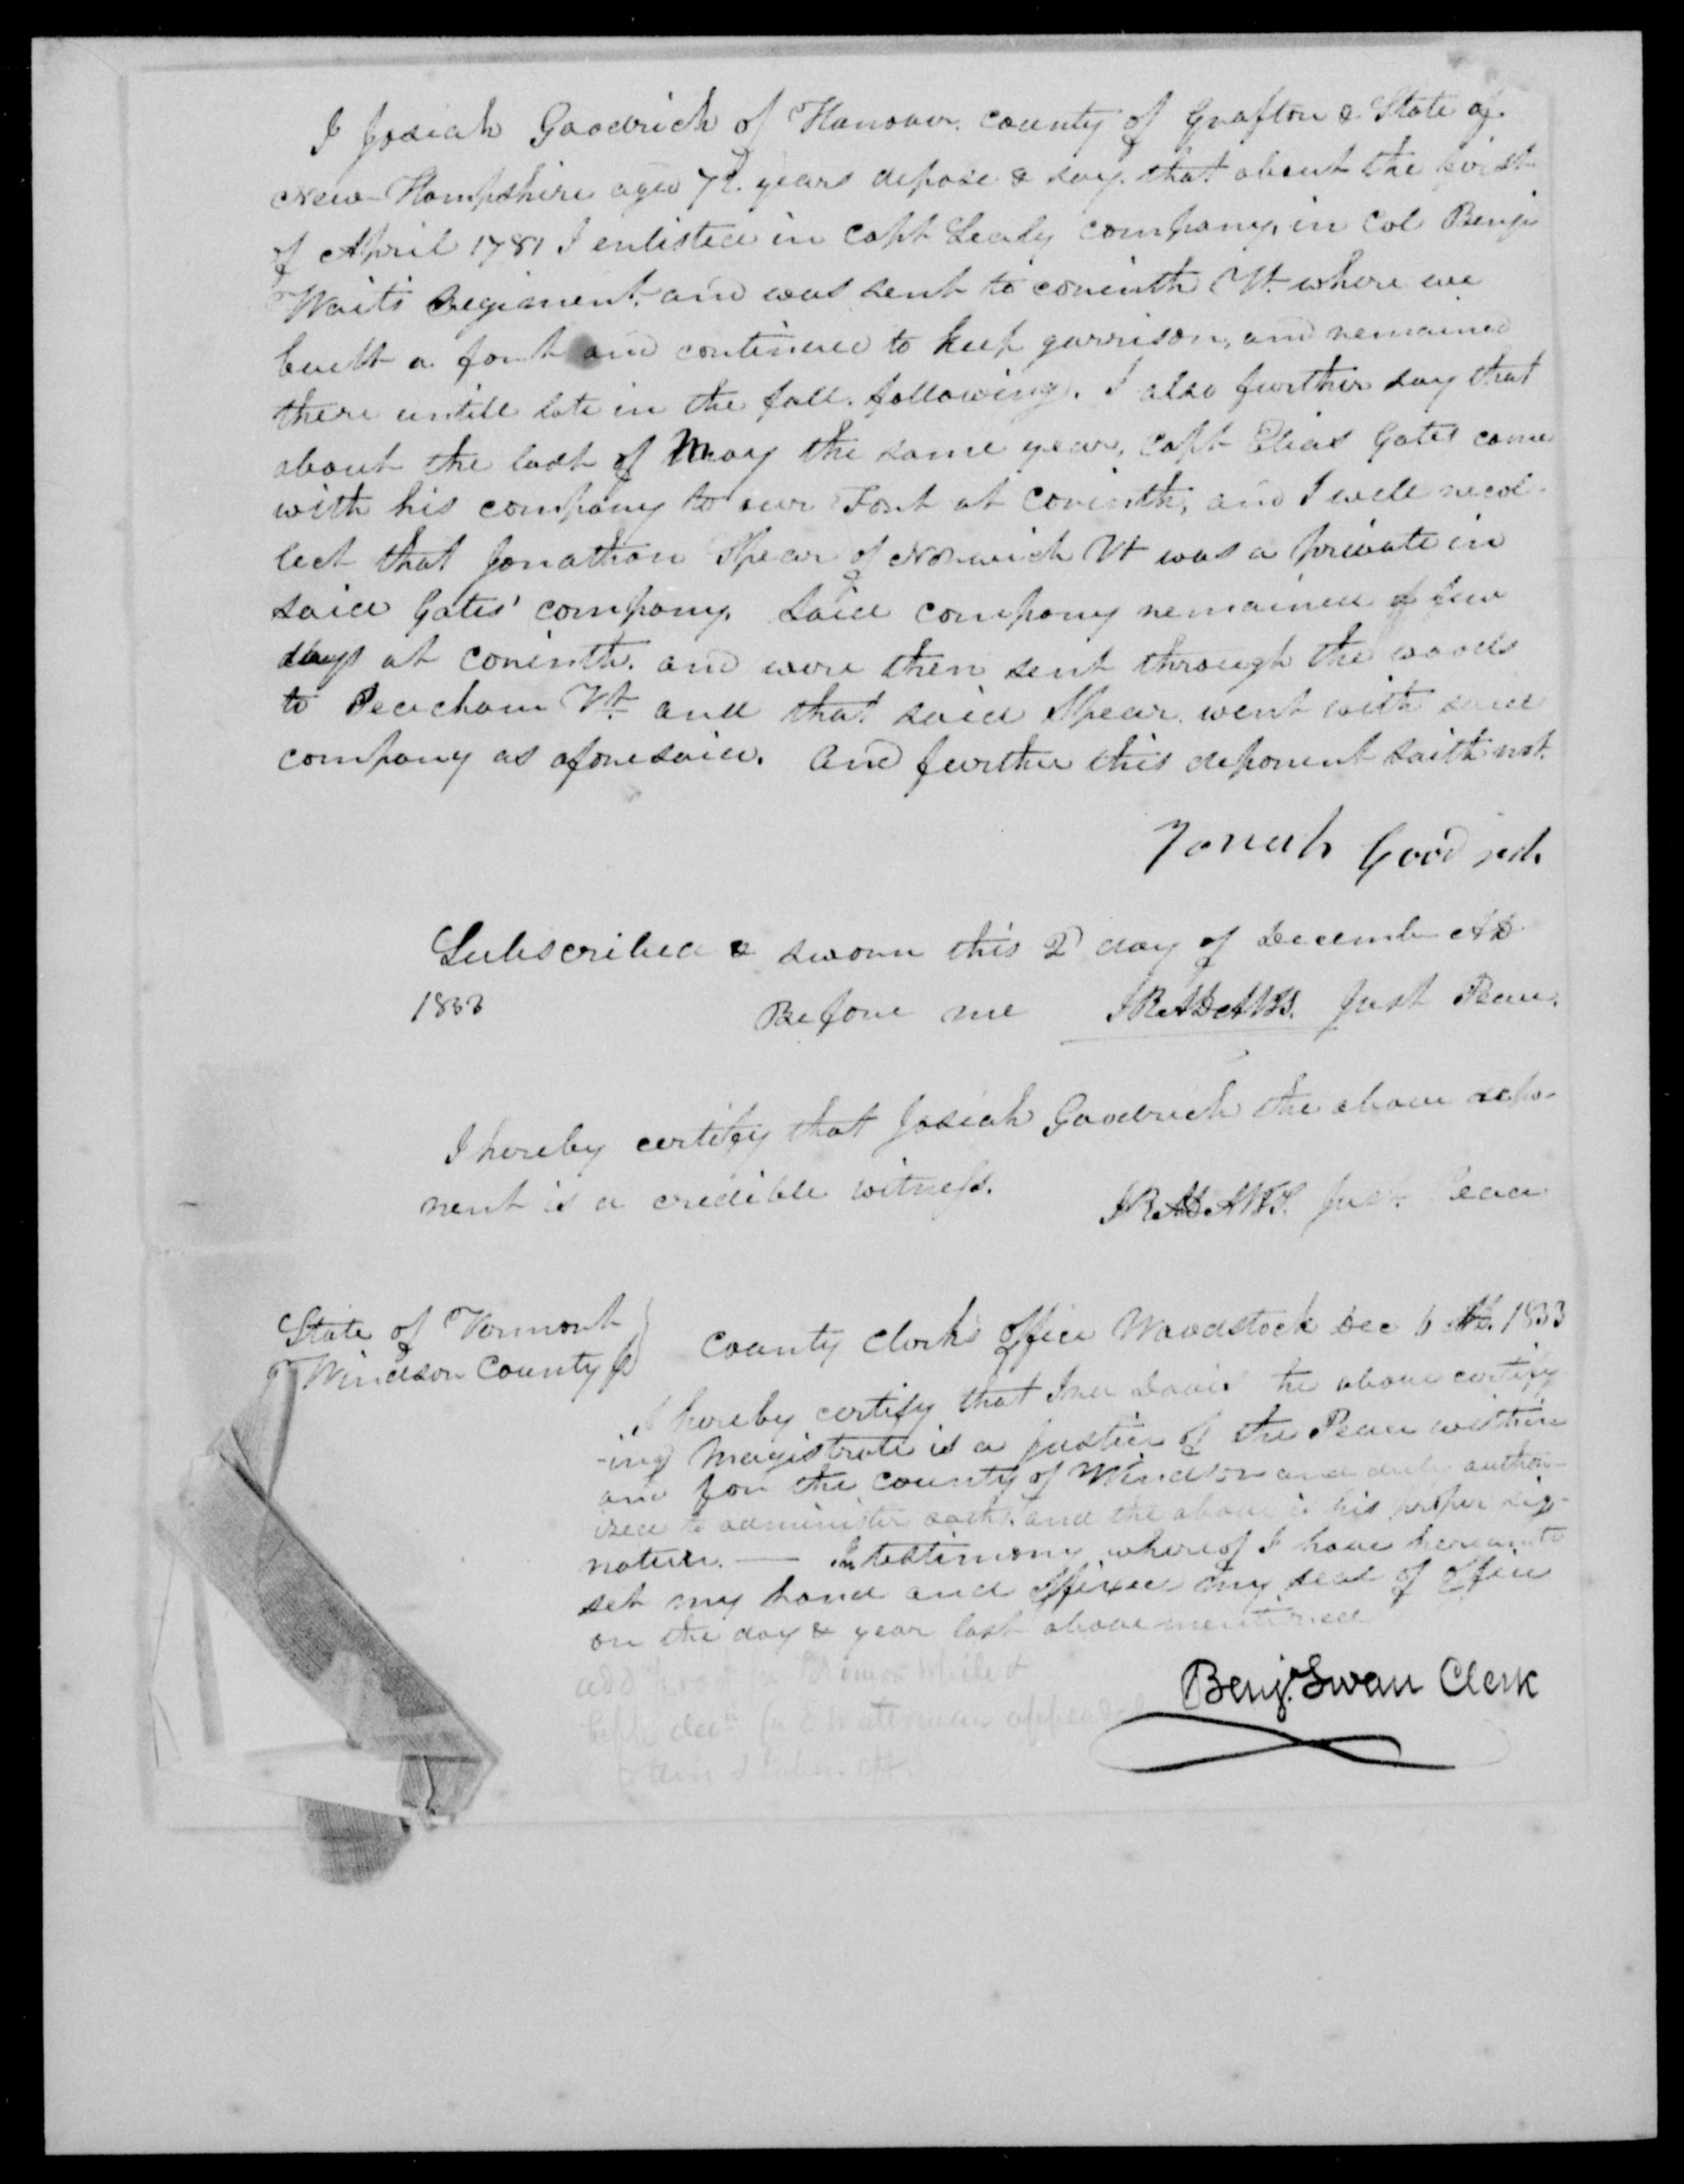I Josiah Goodrich of Hanover County of Grafton & State of New Hampshire aged 72 years depose & say that about the first of April 1781 I enlisted in Capt Leahy company, in Col Benj Waits Regiment and was sent to Corinth VT where we built a fort and continued to keep garrison, and remained there until late in the fall following. I also further say that about the last of May the same year, Capt Elias Gates came with his company to our fort at Corinth, and I well recollect that Jonathan Spear of Norwich was a private in said Gates Company. Said company remained a few days at Corinth, and were then sent through the woods to Peacham VT and that said Spear went with said company as aforesaid. And further this deponent saith not.

Jonah Goodrich

Subscribed & Sworn this 2 day of December AD 1832

Before me Roberts Just Peace
I hereby certify that Josiah Goodrich the above deponent is a credible witness
Roberts Just. Peace

State of Vermont
Windsor County
County Clerk's office Woodstock Dec 6 1833
I hereby certify that Ira Davis the above certifying magistrate is a Justice of the Peace within
and for the County of Windsor and duly authorized to administer oath, and the above is his proper signature. In testimony whereof I have hereunto set my hand and affixed my seal of office on the day & year last above mentioned. 

Benj. Swan Clerk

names: Josiah Goodrich; Ira Davis; Ira Davis; Ira Davis; Benjn Swan; Elias Gates; Josiah Goodrich; Josiah Goodrich; [BLANK] Spear; Jonathan Spear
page: 49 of 65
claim: widow's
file: W. 7197, for Jonathan Spear, Vermont